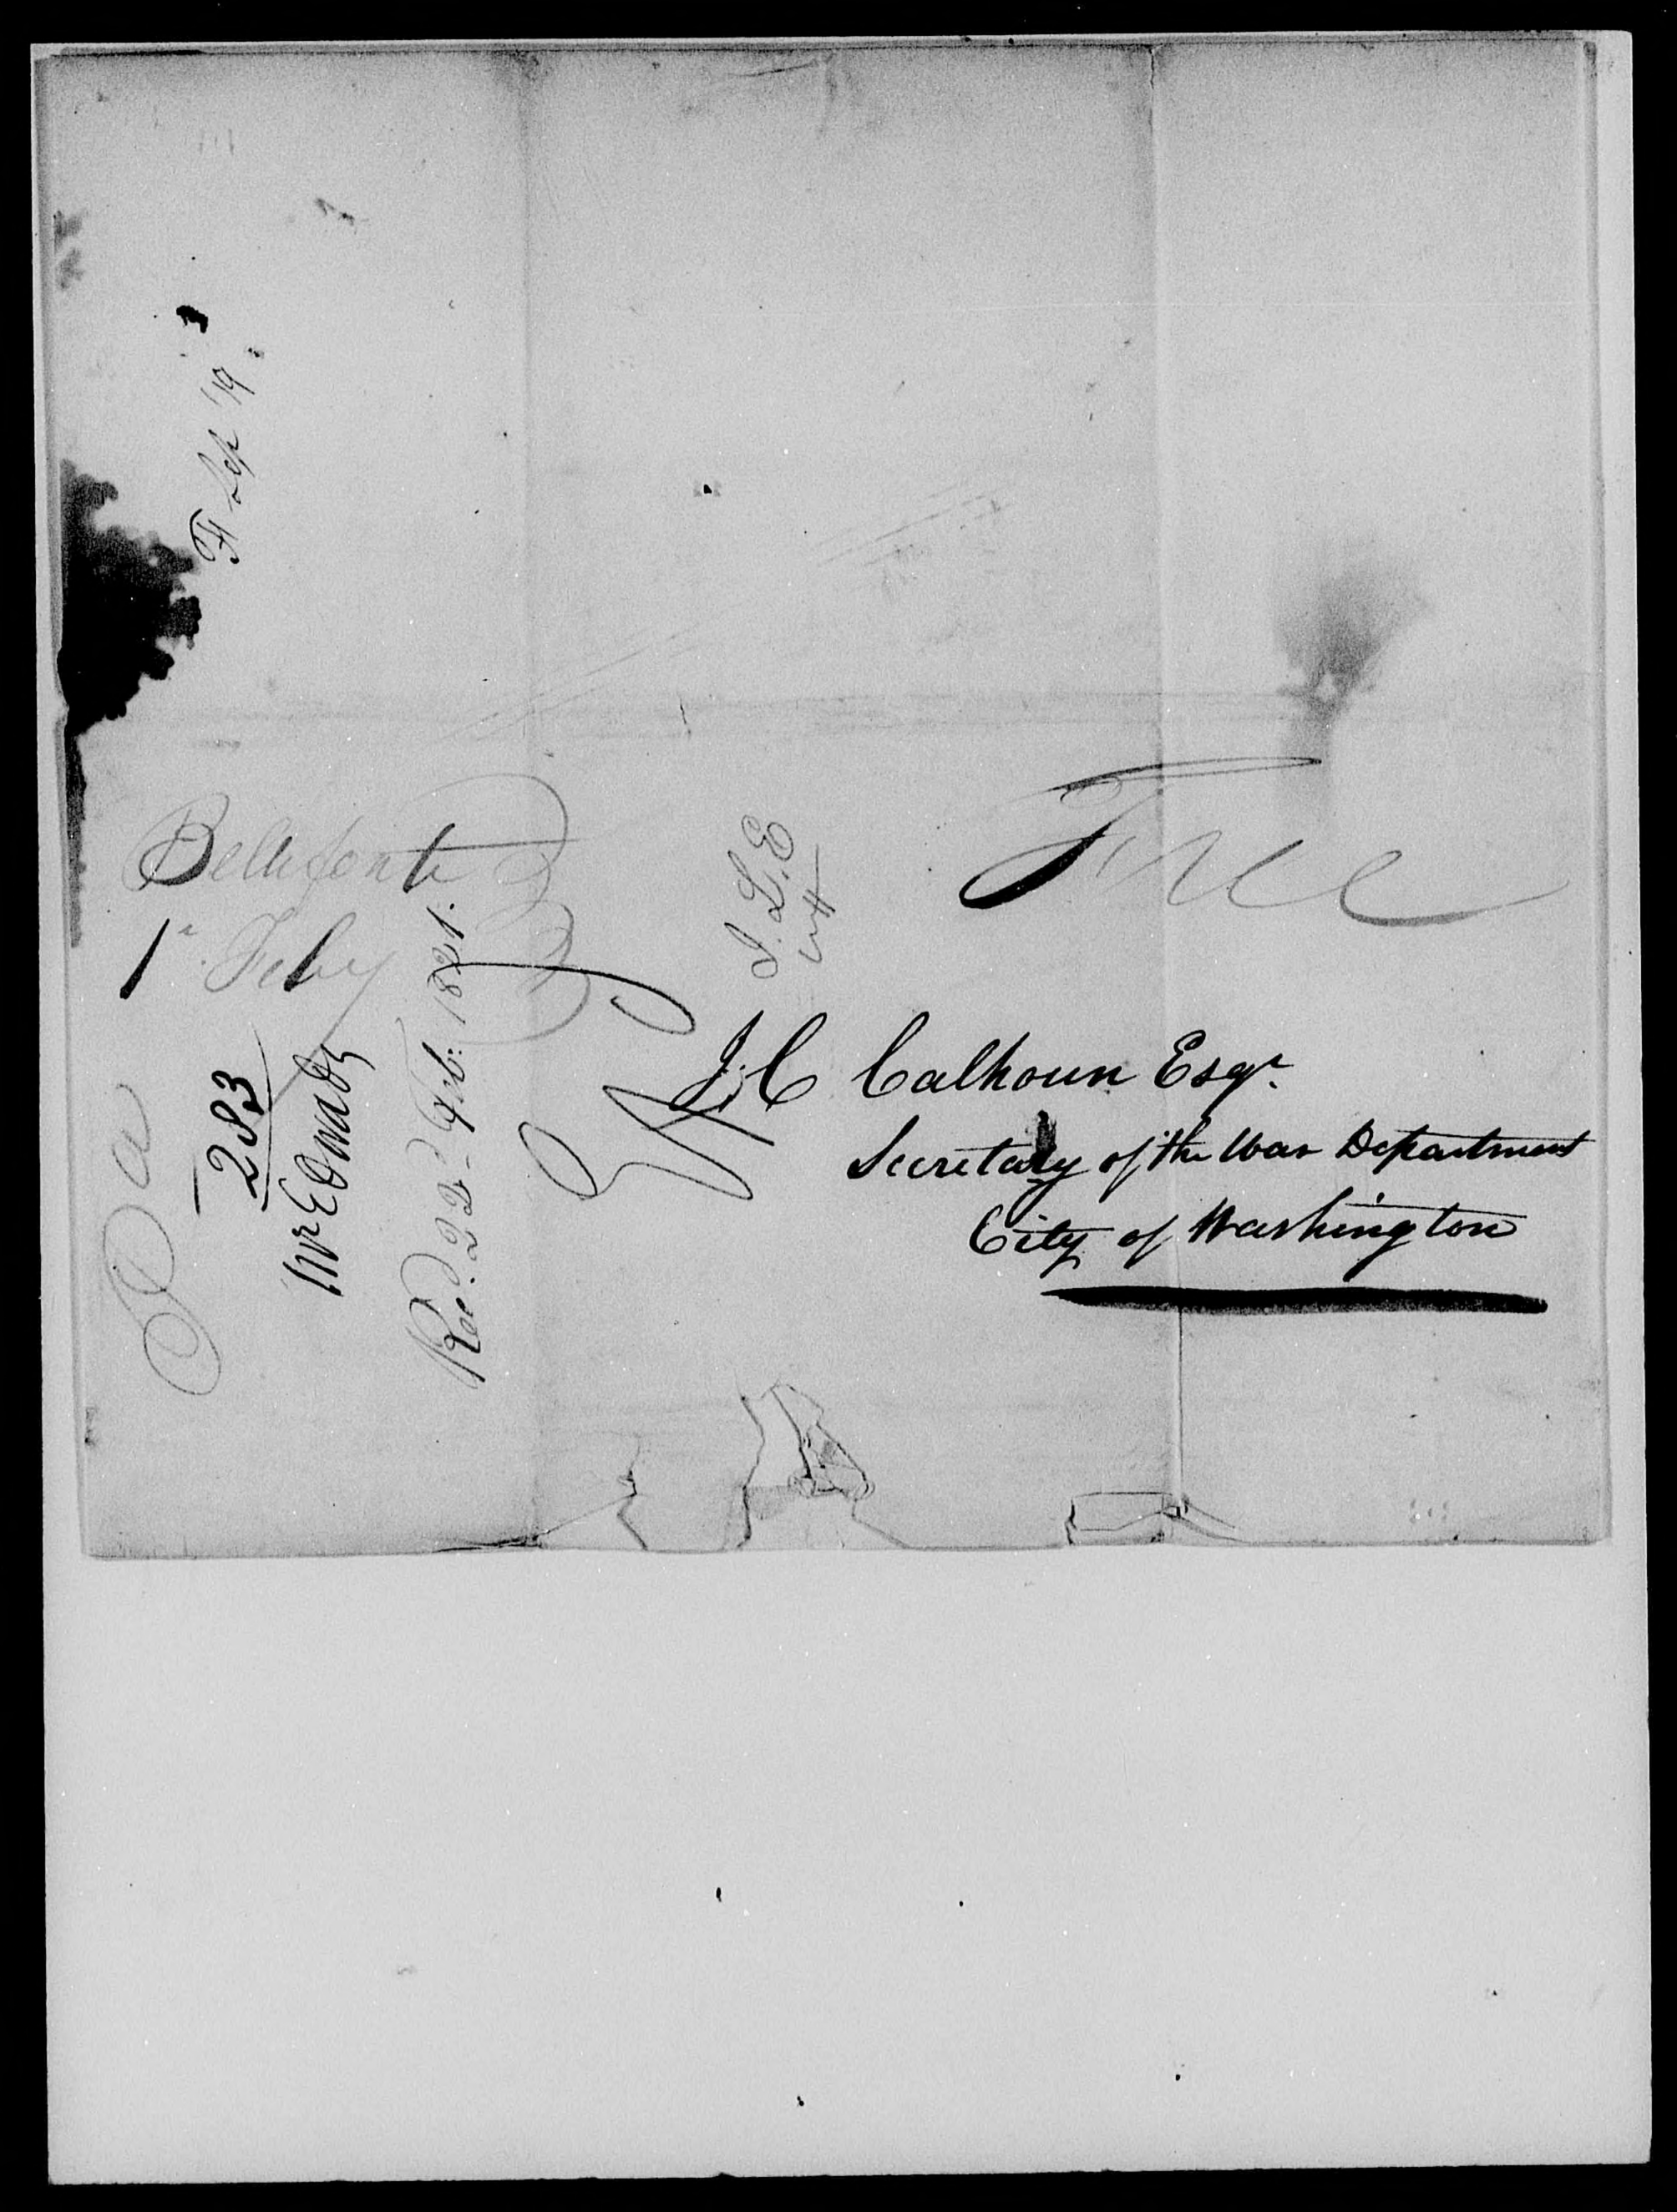Bellefonte
1 Feby
283

Mr Edwards
Rec. 22 Feb. 1821
J. L. E.
Free

J.C. Calhoun Esq.
Secretary of the War Department
City of Washington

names: J C Calhoun, Edwards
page: 3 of 11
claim: survivor's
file: S. 42,197, Peter Flory, Penn.